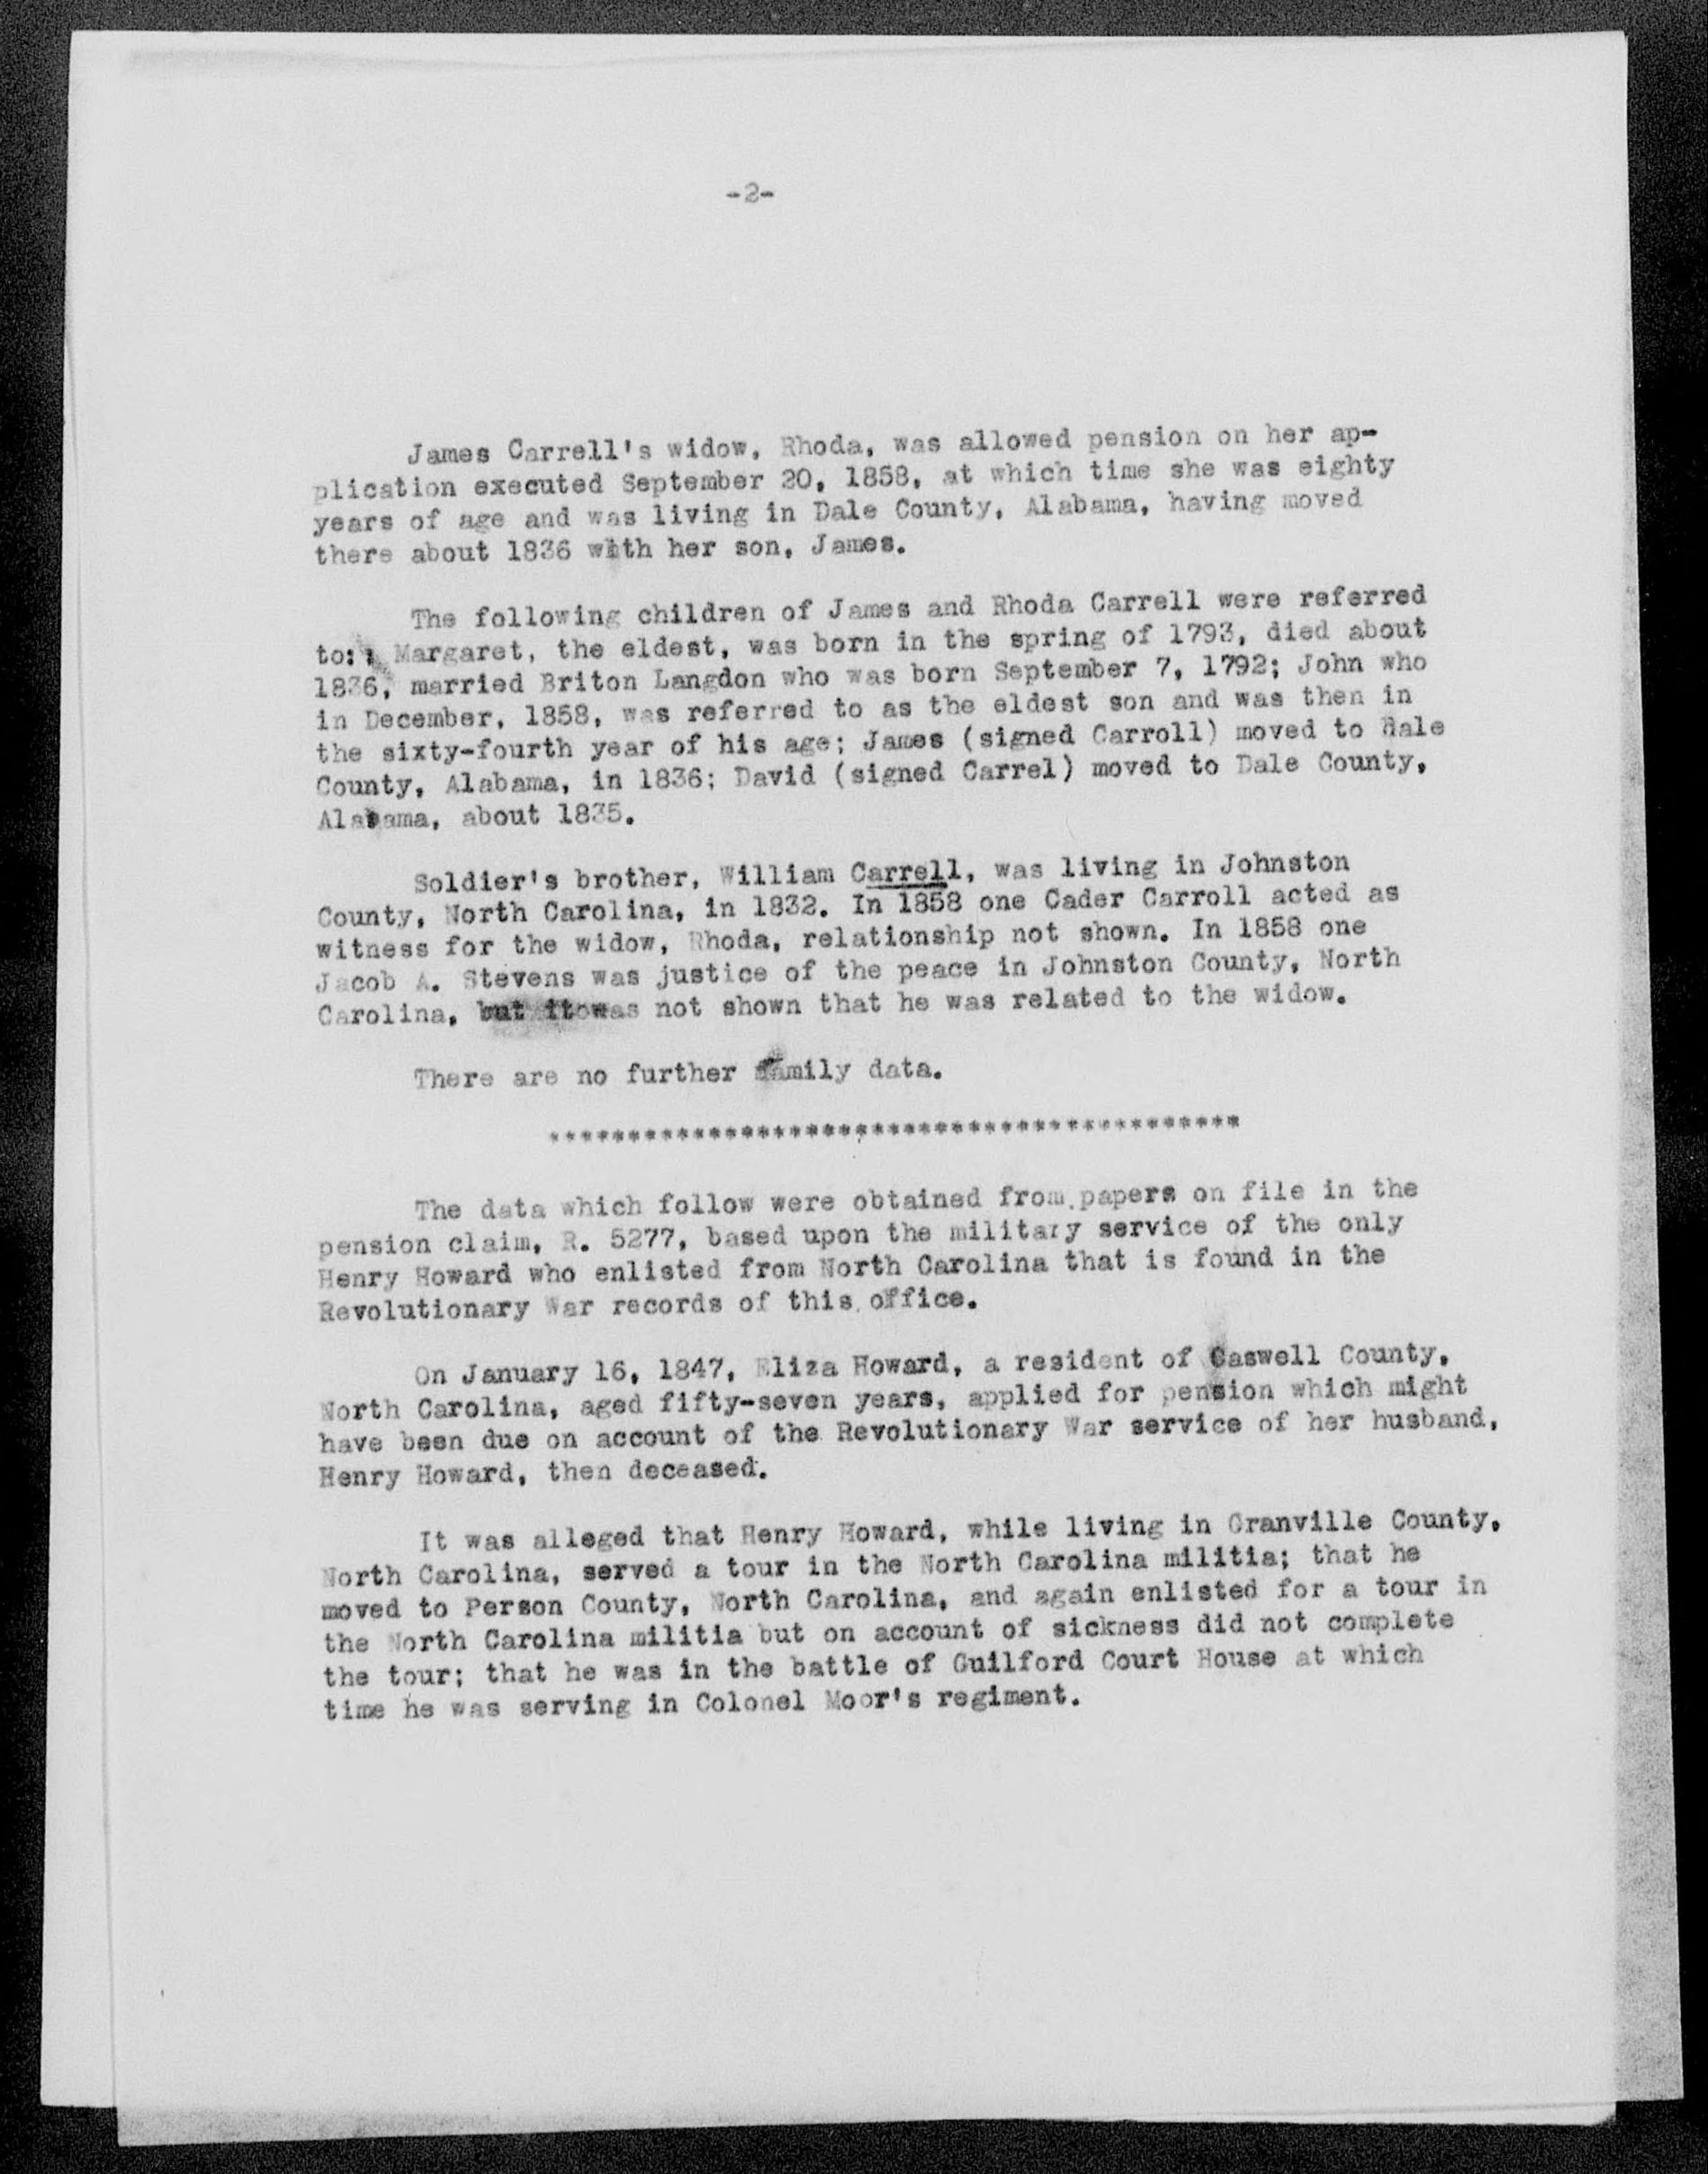-2-

James Carrell's widow, Rhoda was allowed pension on her application executed September 20, 1858, at which time she was eighty years of age and was living in Dale County, Alabama, having moved there about 1836 with her son, James.

The following children of James and Rhoda Carrell were referred to : Margaret, the eldest, was born in the spring of 1793, died about 1836, married Briton Langdon who was born September 7, 1792; John who in December, 1858, was referred to as the eldest son and was then in the sixty-fourth year of his age; James (signed Carroll) moved to Dale County, Alabama, in 1836; David (signed Carrel) moved to Dale County, Alabama, about 1835.

Soldier's brother, William Carrell, was living in Johnston County, North Carolina, in 1832. In 1858 one Cader Carroll acted as witness for the widow, Rhoda, relationship not shown. In 1858 one Jacob A. Stevens was justice of the peace in Johnston County, North Carolina, but it was not shown that he was related to the widow.

There are no further family data.

The data which follow were obtained from papers on file in the pension claim, R. 5277, based upon the military service of the only Henry Howard who enlisted from North Carolina that is found in the Revolutionary War records of this office.

On January 16, 1847, Eliza Howard, a resident of Caswell County, North Carolina, aged fifty-seven years, applied for pension which might have been due on account of the Revolutionary War service of her husband, Henry Howard, then deceased.

It was alleged that Henry Howard, while living in Granville County, North Carolina served a tour in the North Carolina militia; that he moved to Person County, North Carolina, and again enlisted for a tour in the North Carolina militia but on account of sickness did not complete the tour; that he was in the battle of Guilford Court House at which time he was serving in Colonel Moor's regiment.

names: William Carrell, Rhoda Carrell, Henry Howard, Cader Carroll, James Carrell, Carrel, James, Henry Howard, Briton Langdon, James Carrell, David, Carroll, Jacob Stevens, James, John, Eliza Howard, Rhoda, Rhoda Carrell, Margaret, Henry Howard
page: 82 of 86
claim: widow's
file: W. 6899, James Carrell, N.C.